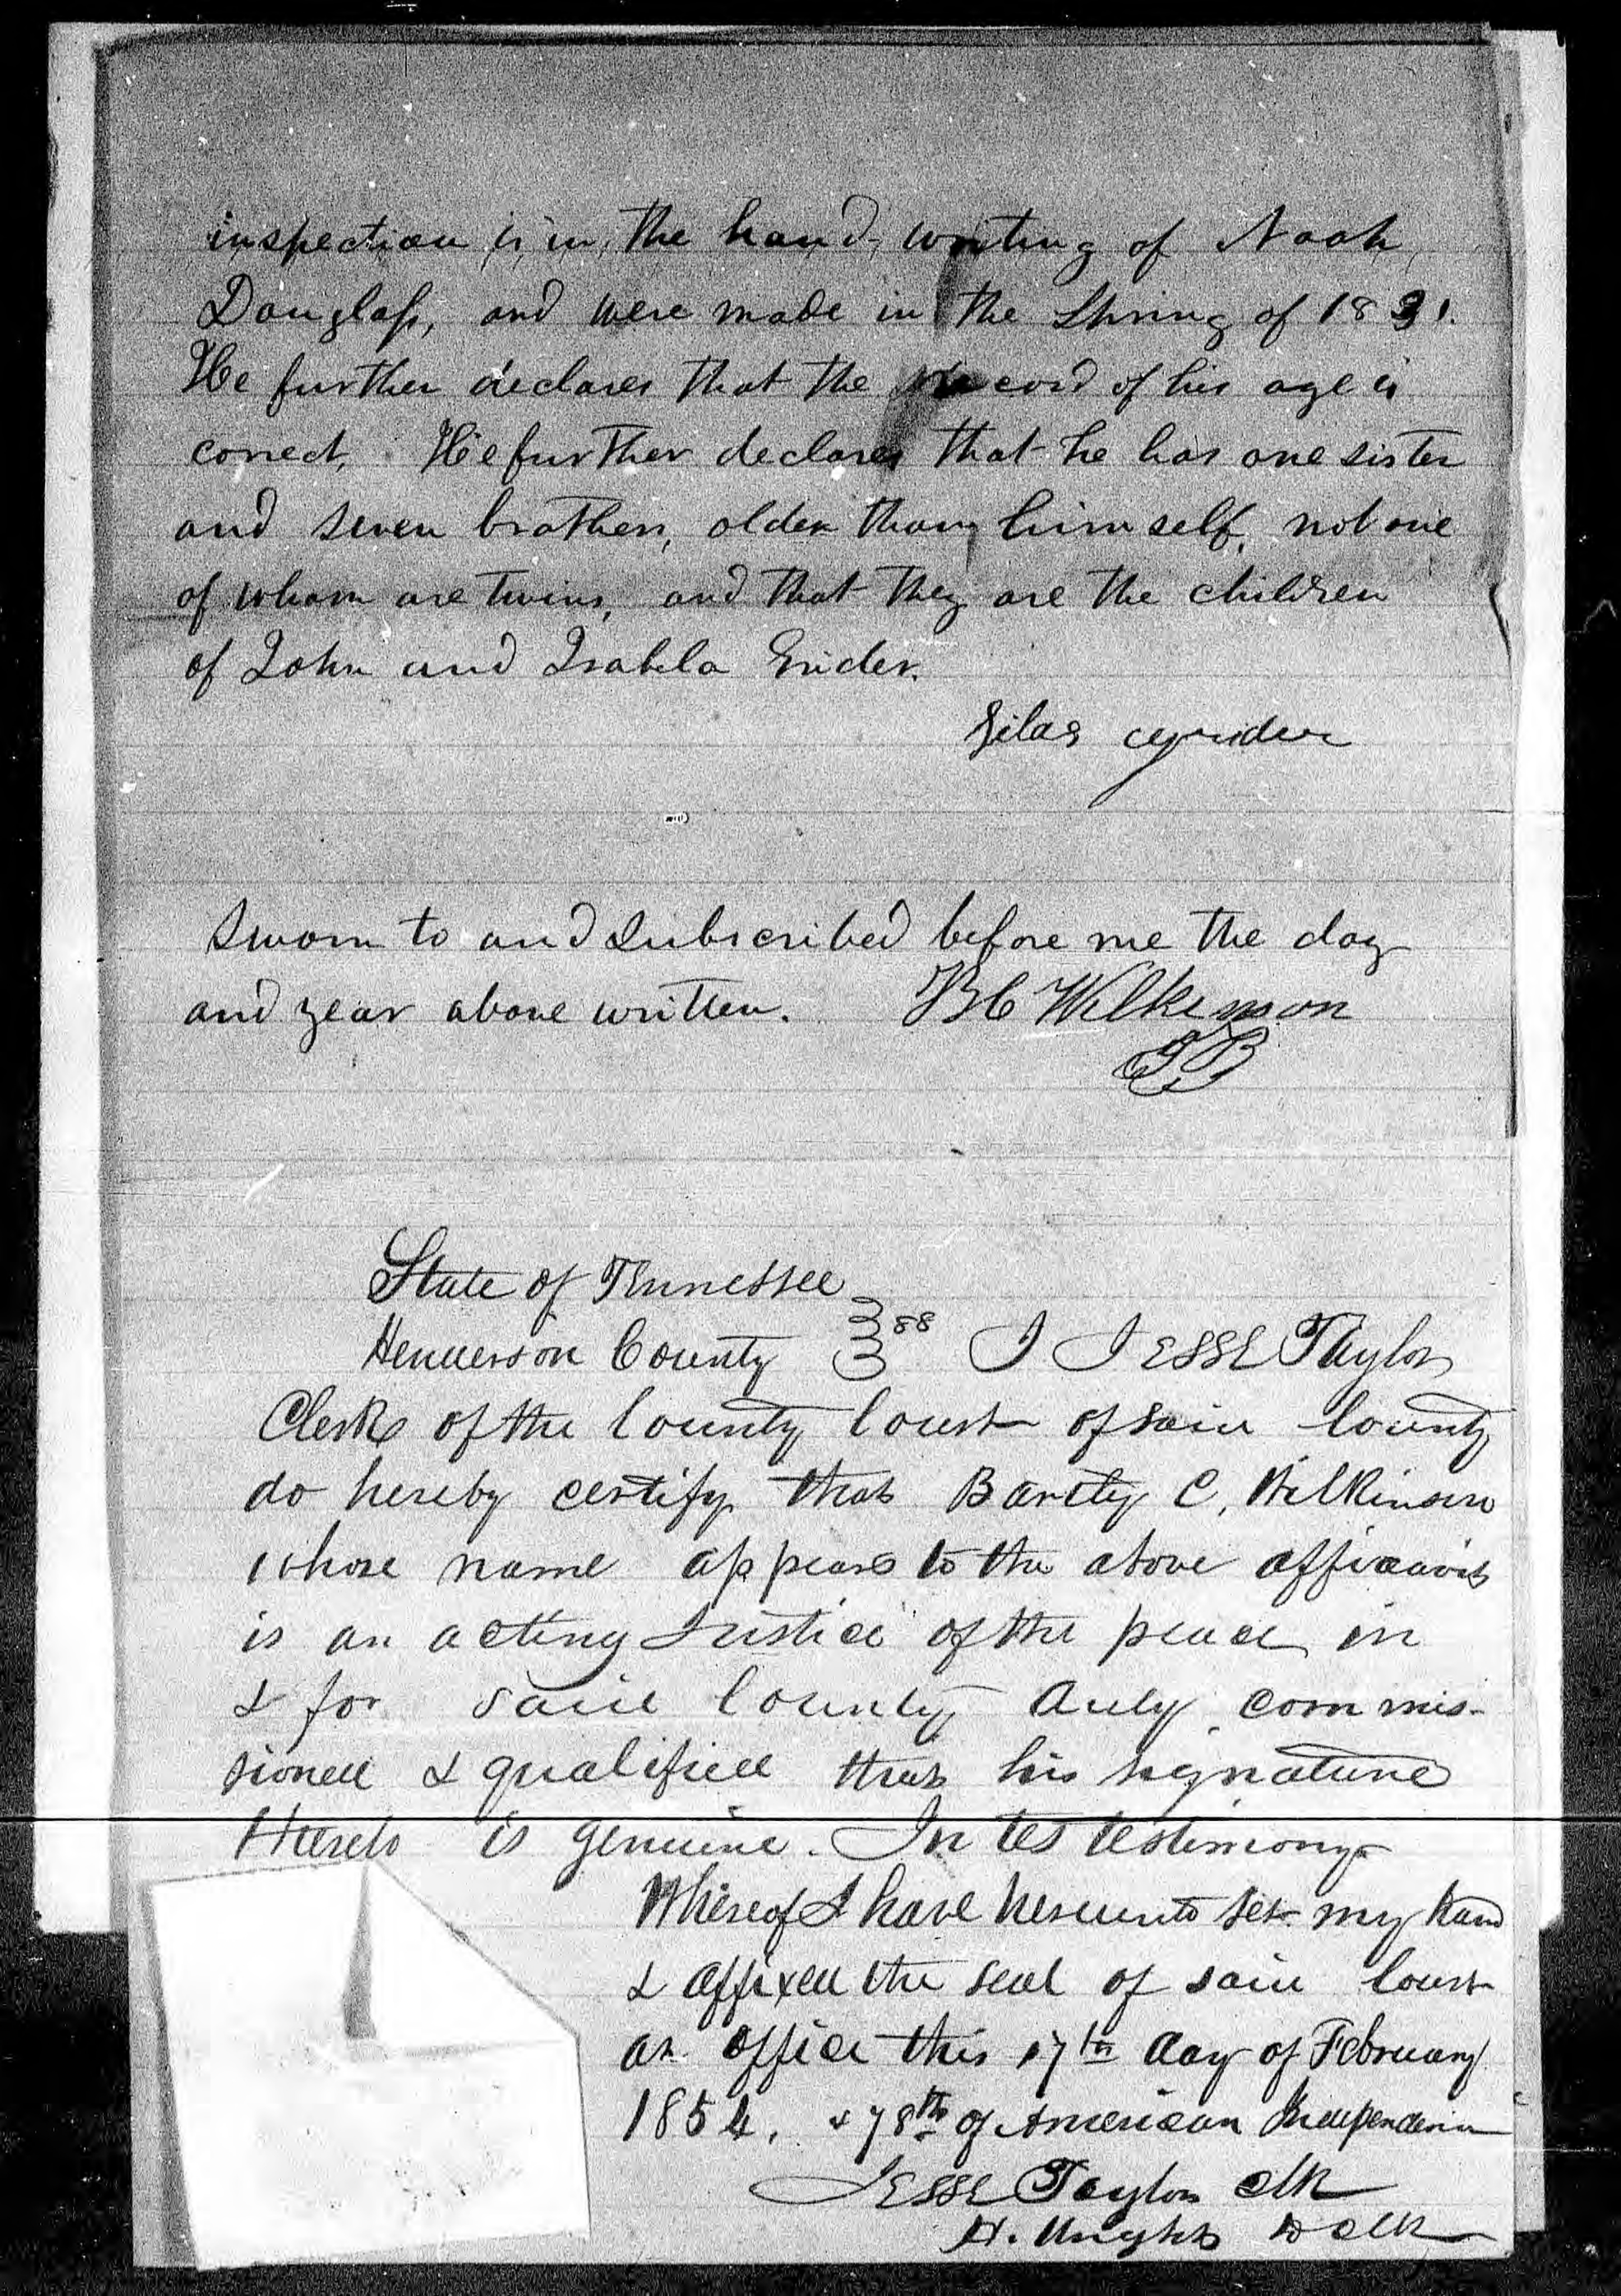inspection is in the hand writing of Noah Douglass, and were made in the spring of 1831. He further declares that the record of his age is correct, He further declares that he has one sister and seven brothers, older than himself, not one of whom are twins, and that they are the children of John and Isabela Grider.  [signed] Silas Grider

Sworn to and subscribed before me the day and year above written.  [signed] BC Wikinson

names: Jesse Taylor, Bartly C Wilkinson, Jesse Taylor, John Grider, B C Wilkinson, Noah Douglass, Isabela Grider, H Wright, Silas Grider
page: 91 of 91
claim: widow's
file: W 358, John Grider, N.C.